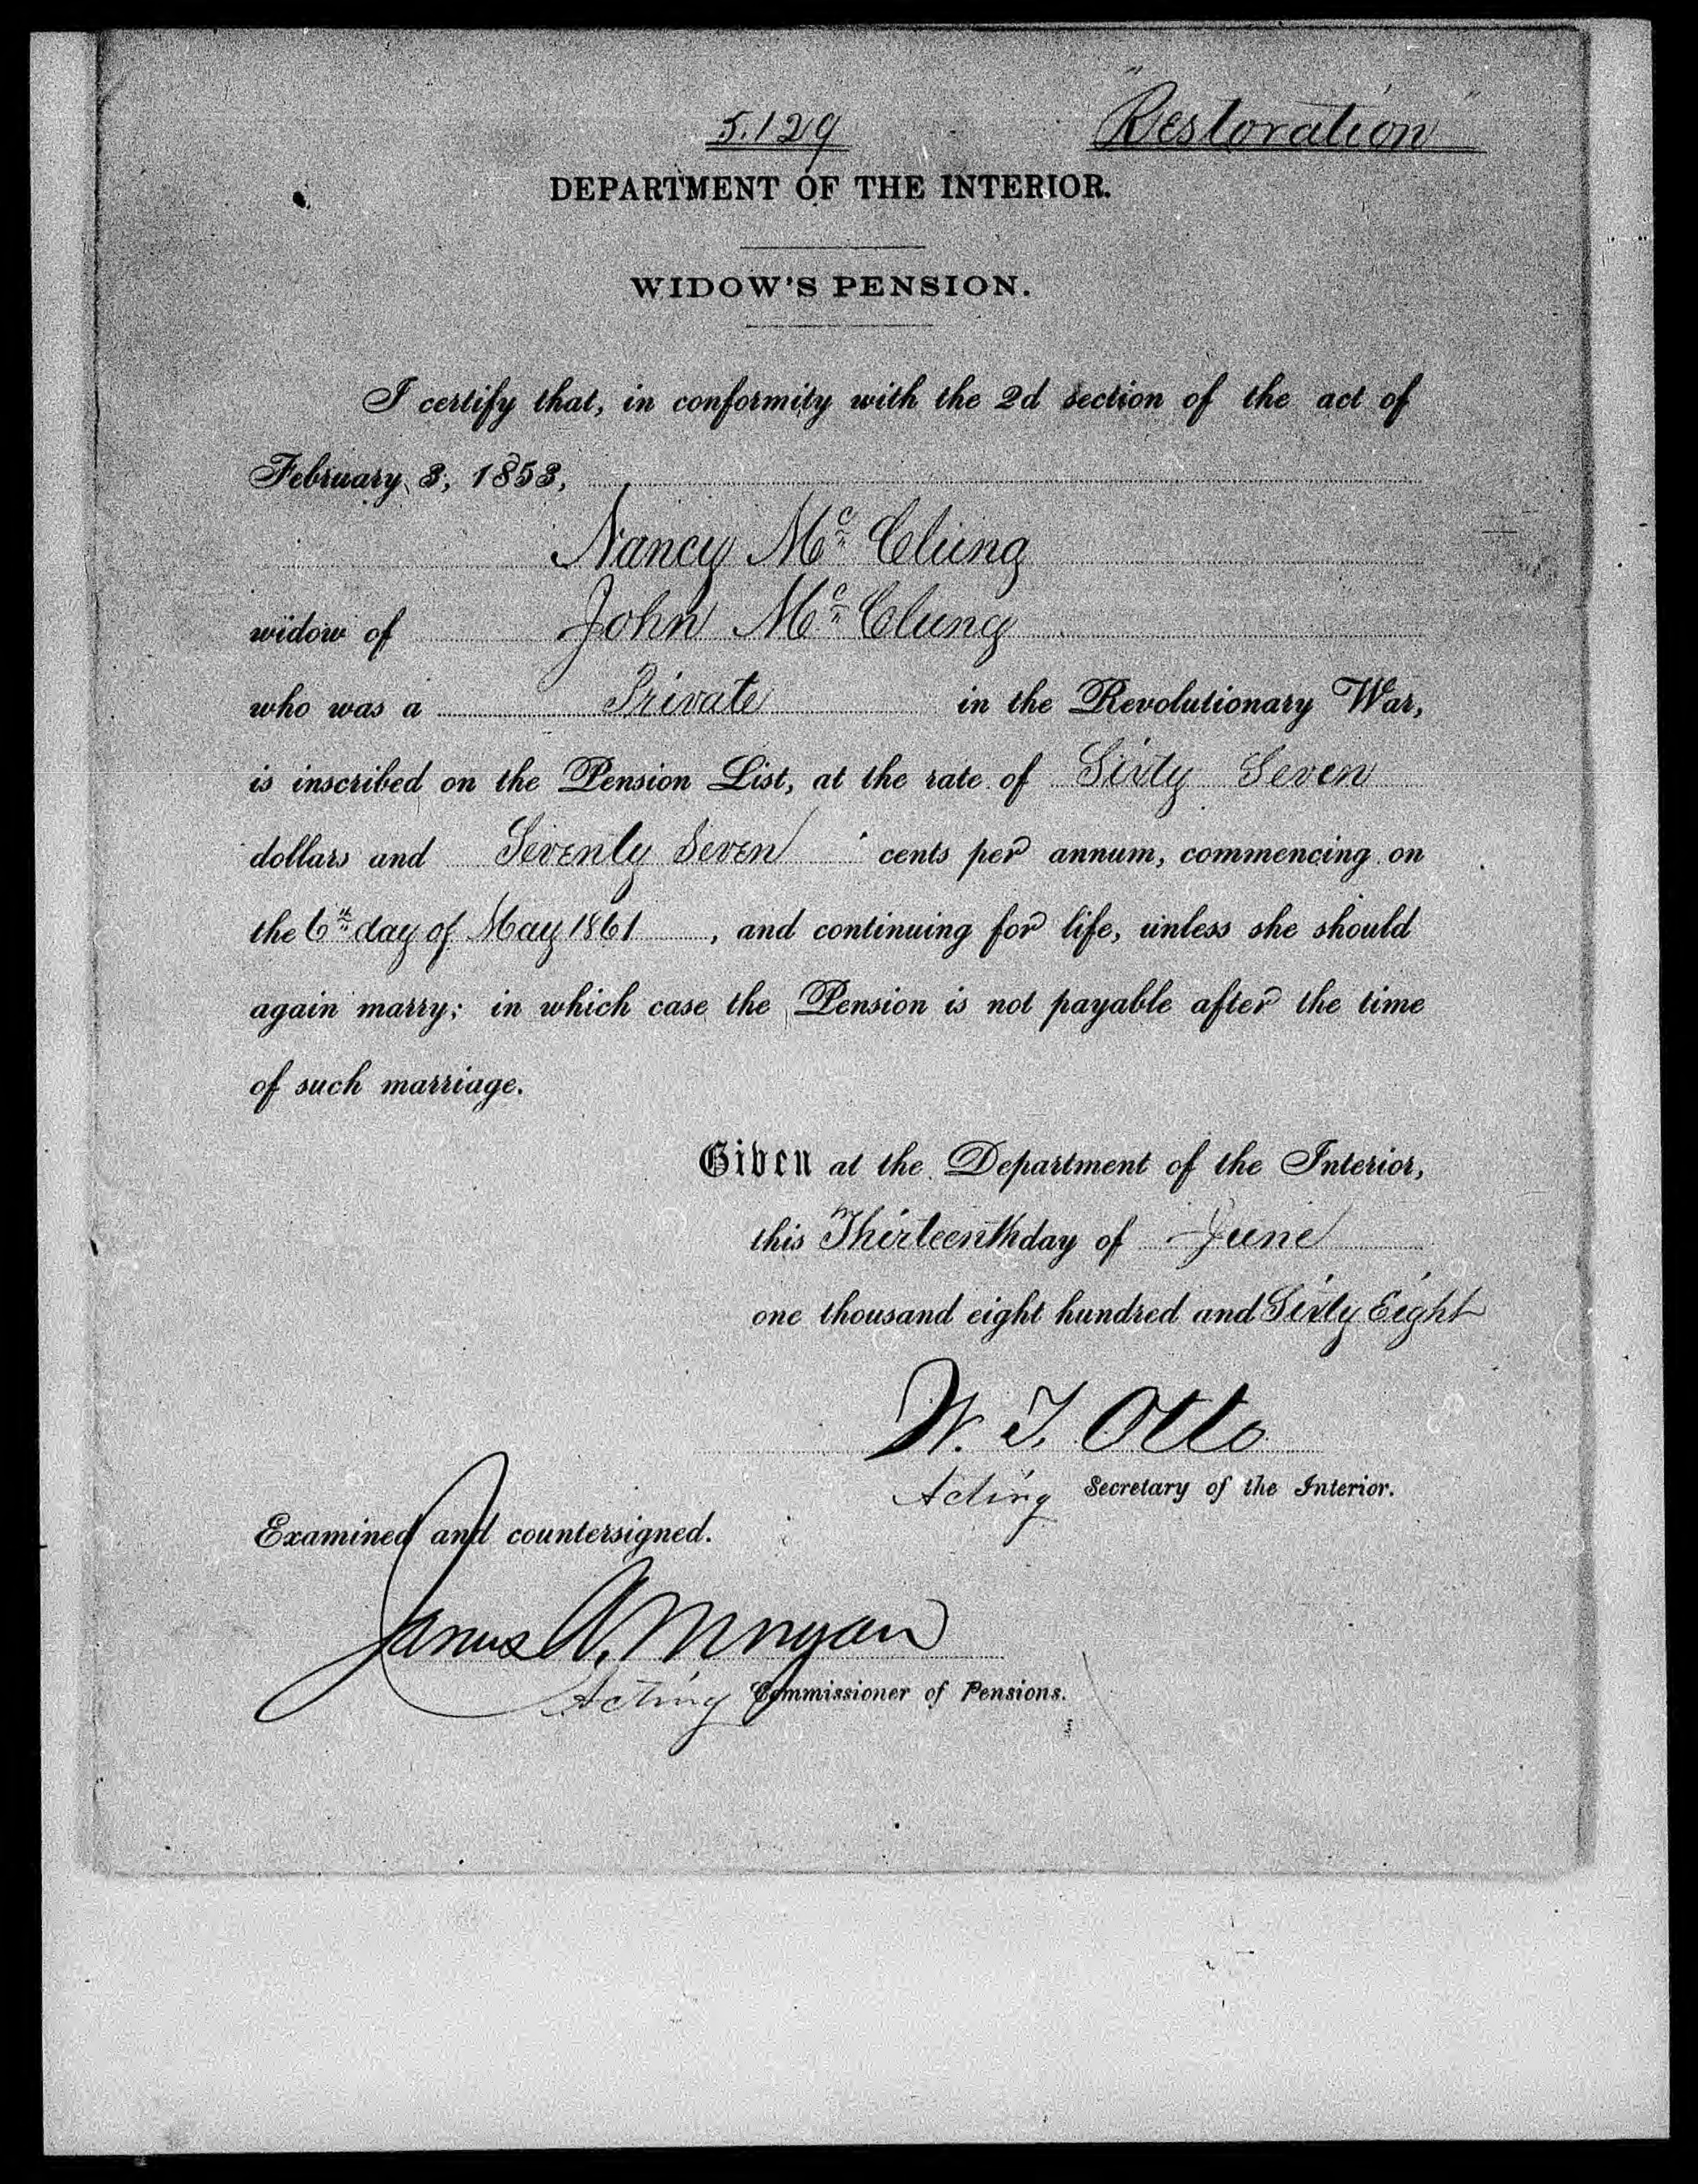5.129      Restoration
 ====      ======== 
DEPARTMENT OF THE INTERIOR.
WIDOW'S PENSION.
I certify that in conformity with the act of February 3, 1853,
Nancy Mc Clung
widow of John Mc Clung
who was a Private  in the Revolutionary War,
is inscribed on the Pension List at the rate of Sixty Seven
dollars and Seventy Seven cents per annum, commencing on the 6" of May, 1861, continuing for life, unless she should 
again marry; in which case the Pension is not payable after the time of such marriage.

Given at the Department of the Interior
this Thirteenth day of June
one thousand eight hundred and Sixty Eight

W.T. Otto [signature]
Acting Secretary of the Interior.

Examined and Countersigned
James A. Morgan [signature]
Acting Commissioner of Pensions.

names: James A Morgan; W T Otto; Nancy Mc Clung; John Mc Clung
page: 80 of 115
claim: widow's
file: W. 1446, for John Mc Clung, South Carolina